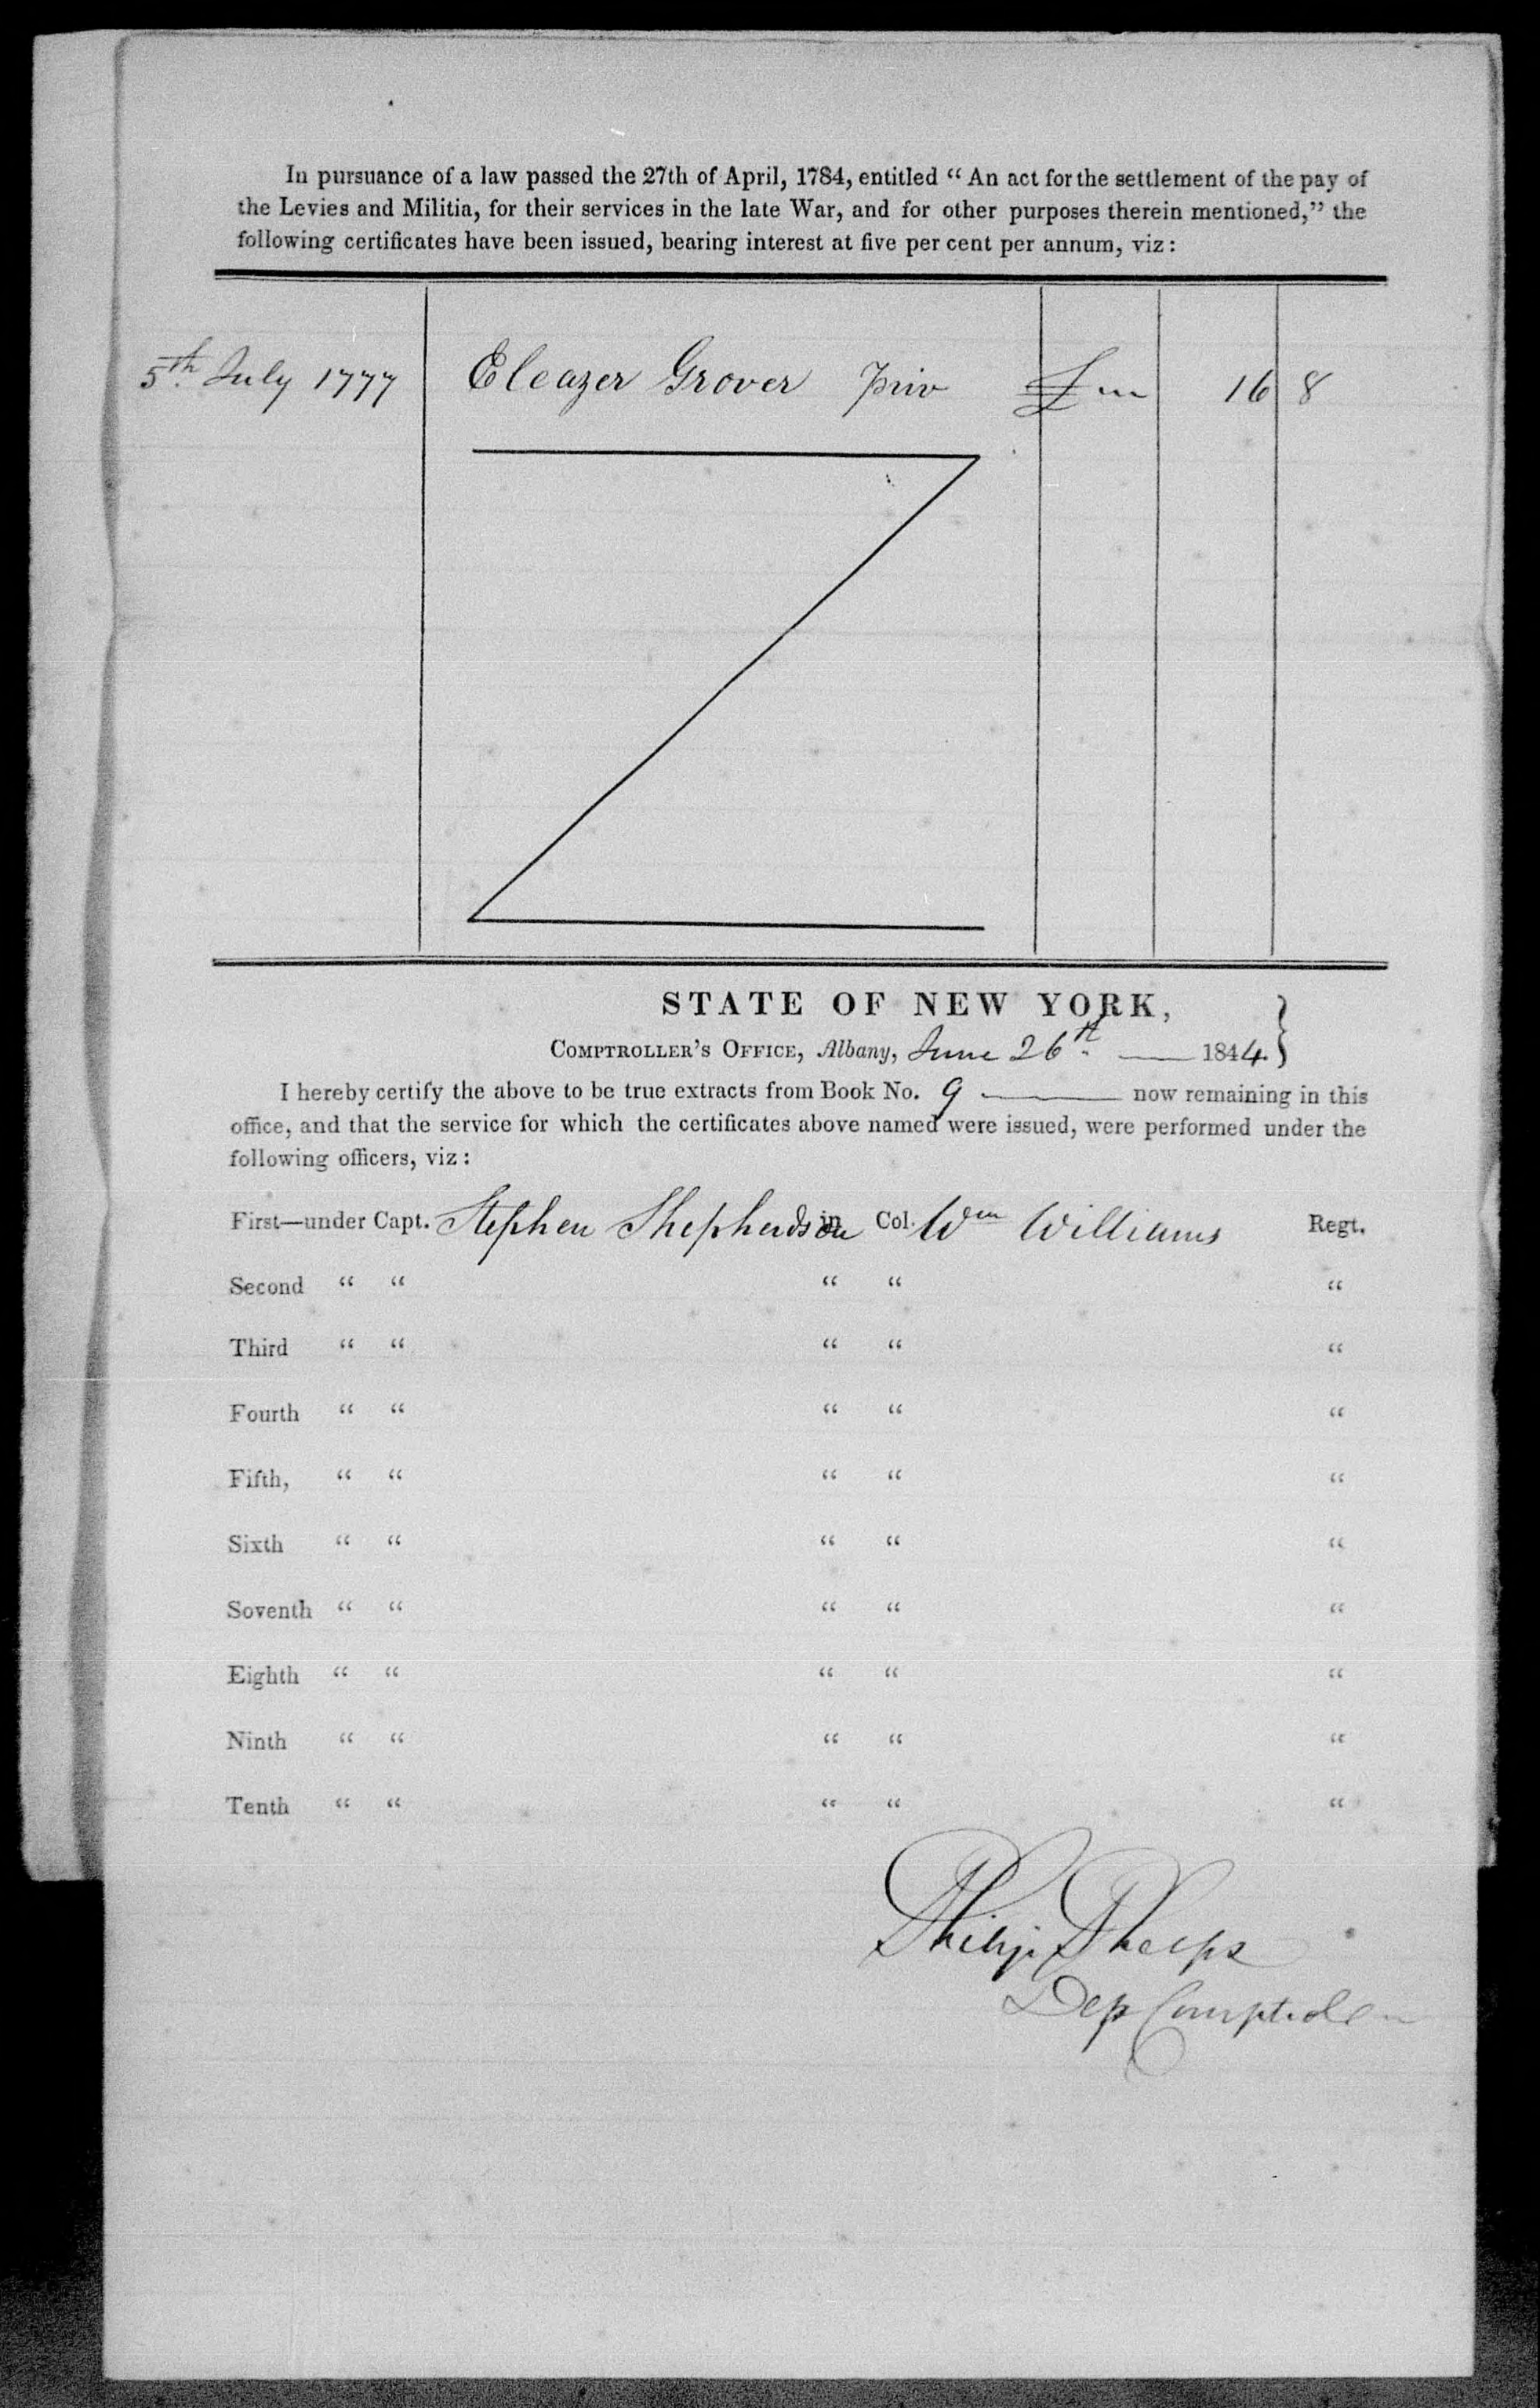In pursuance of a law passed the 27th of April, 1784, entitled "An act for the settlement of the pay of the Levies and Militia, for their services in the late War, and for other purposes therein mentioned," the following certificates have been issued, bearing interest at five per cent per annum, viz:
5th July 1777 Eleazer Grover priv £ - 16 8
STATE OF NEW YORK,
COMPTROLLER'S OFFICE, Albany, June 26th 1844}
I hereby certify the above to be true extracts from Book No. 9 now remaining in this office, and that the service for which the certificates above named were issued, were performed under the following officers, viz:
First - under Capt. Stephen Shepherdson in Col. Wm Williams Regt.
Second  "  "  "  "  " 
Third  "  "  "  "  " 
Fourth  "  "  "  "  " 
Fifth,  "  "  "  "  " 
Sixth  "  "  "  "  " 
Seventh  "  "  "  "  " 
Eighth  "  "  "  "  " 
Ninth  "  "  "  "  " 
Tenth  "  "  "  "  " 
/s/Philip Phelps
Dep Comptroller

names: Eleazer Grover, Philip Phelps, Stephen Shepherdson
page: 25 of 43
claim: survivor's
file: S. 28748, Eleazer Grover, Continental Mass. Vt.